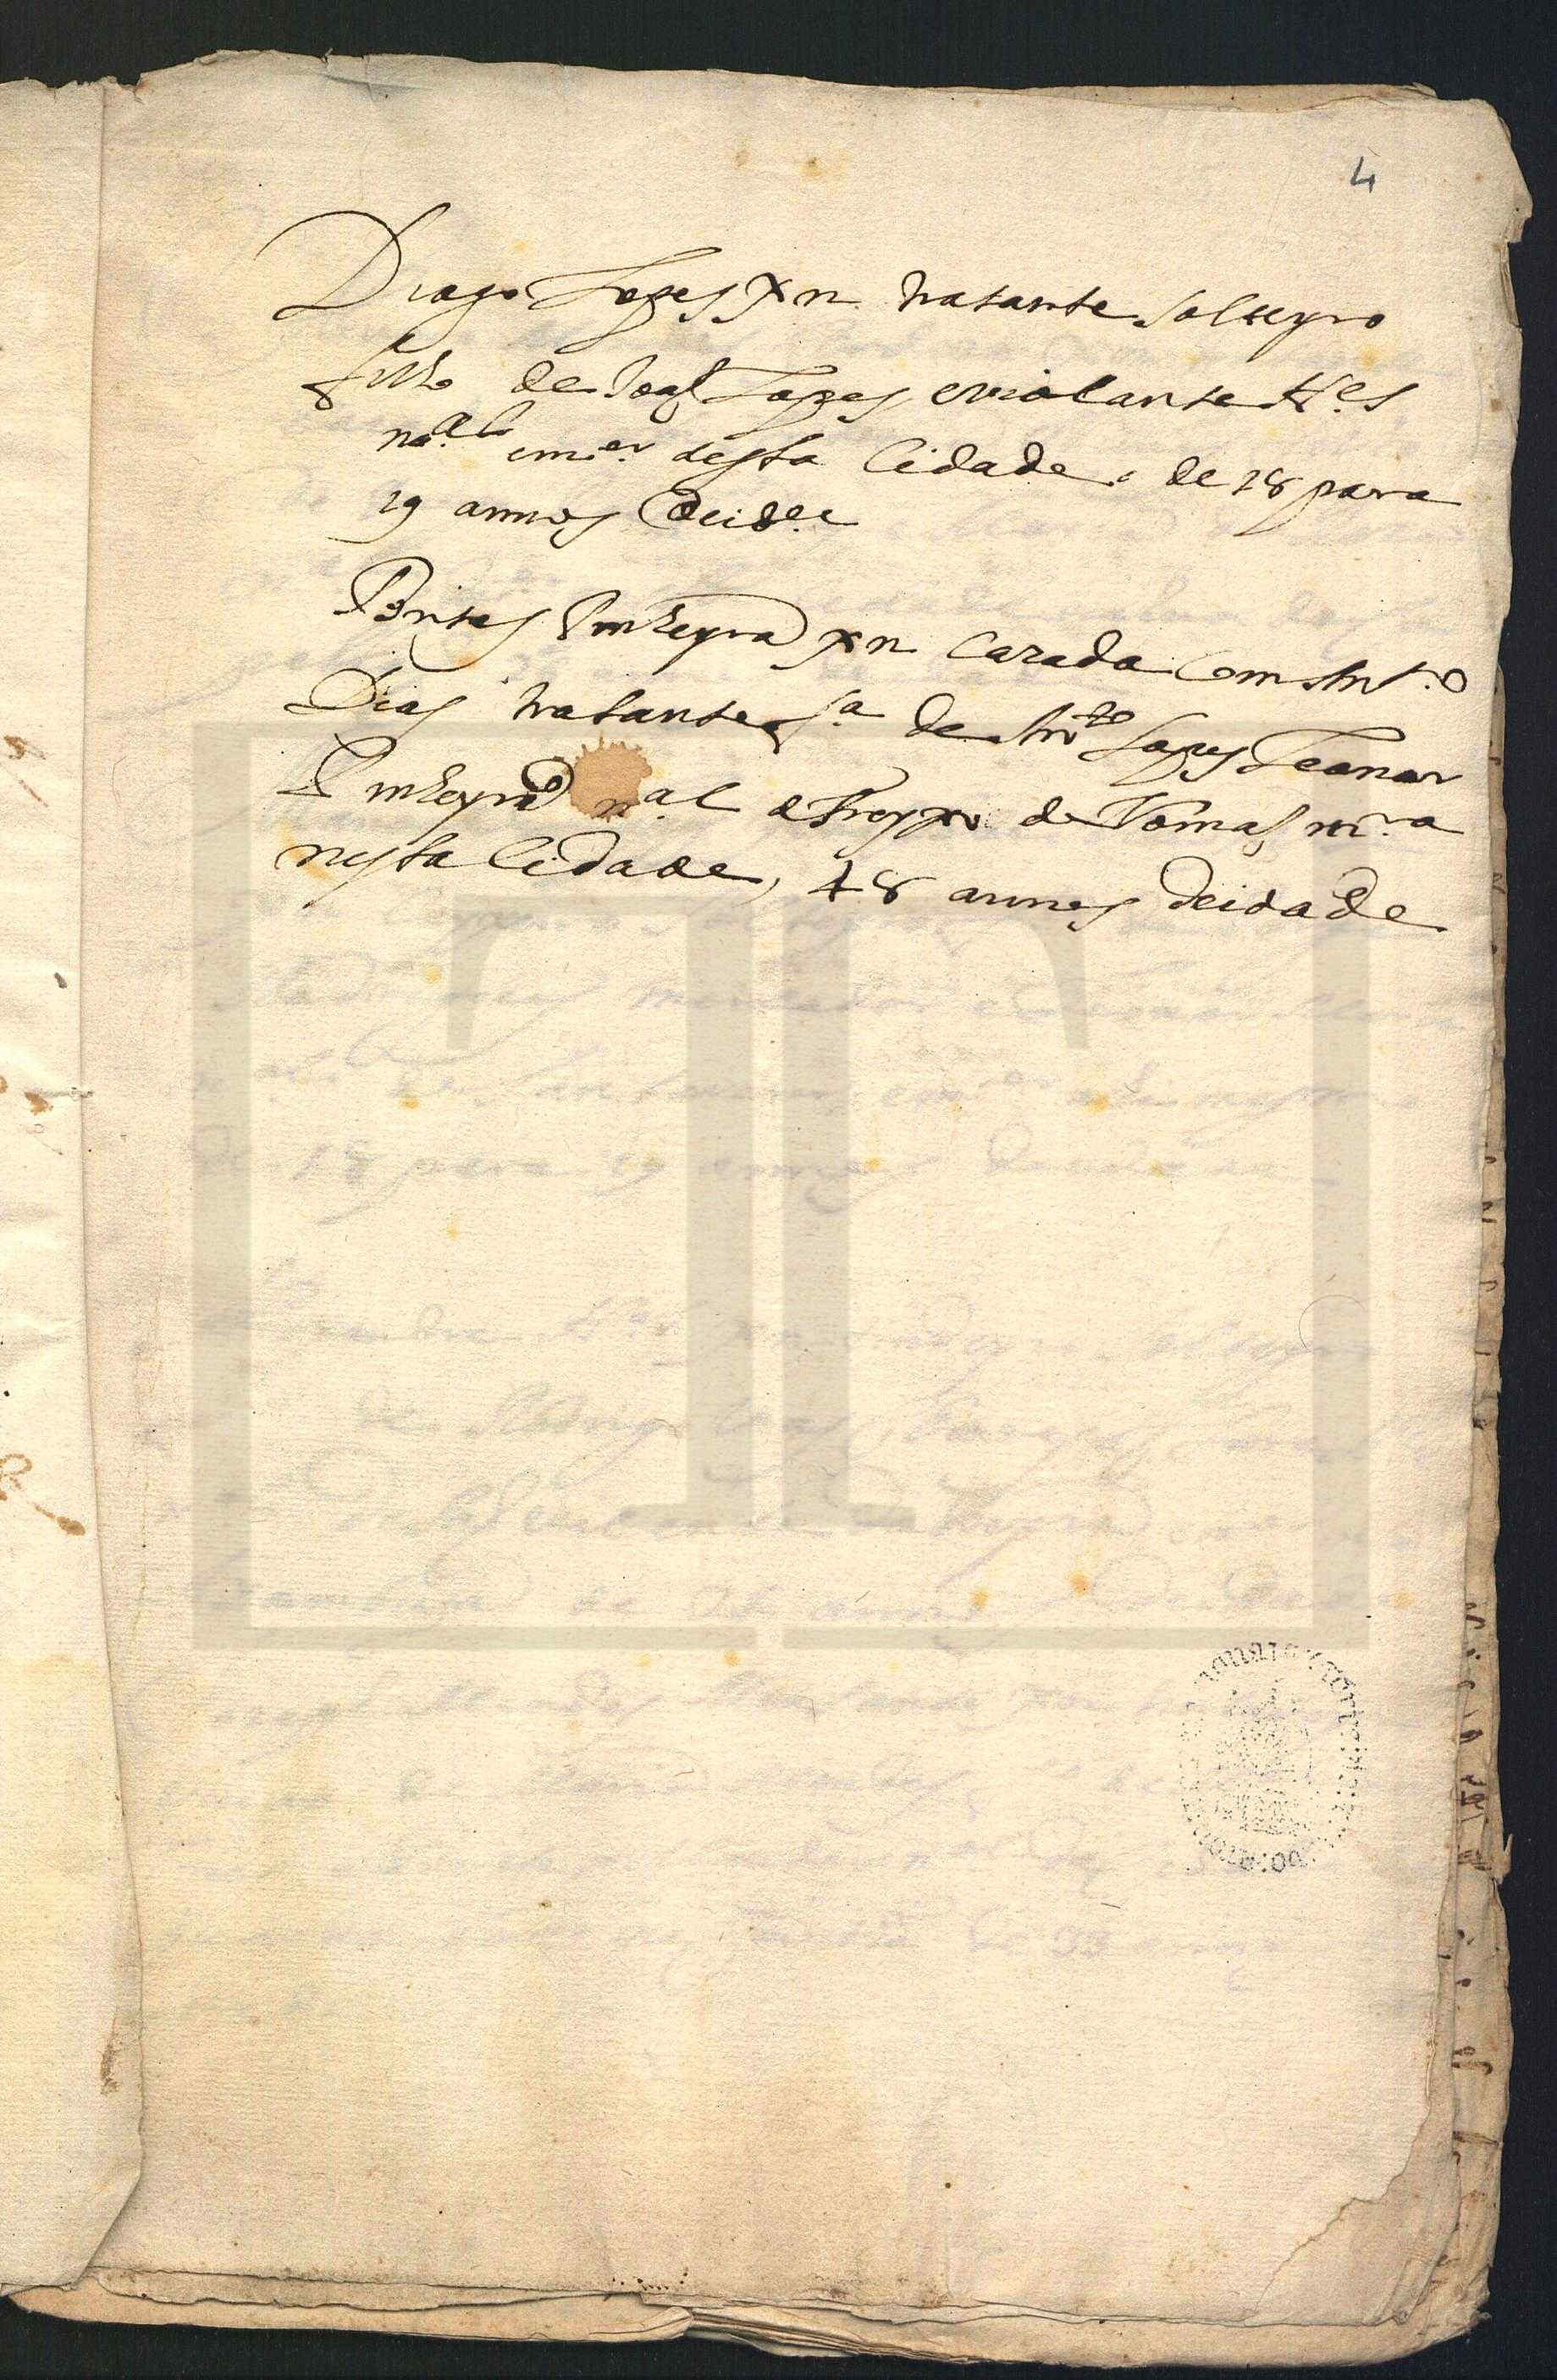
Diogo Lopes x n tratante solteyro
filho de Ioaõ Lopes, e violante H.es
na.al e m.or desta Cidade e de 28 para
29 annos de id.de
Brites Pinheyra x n cazada com Ant.o
Dias tratante f.a de Anto Lopes Leonor
Pinheyra n.al d freyxo de Nomā m.ra
nesta cidade, 48 annos de idade
